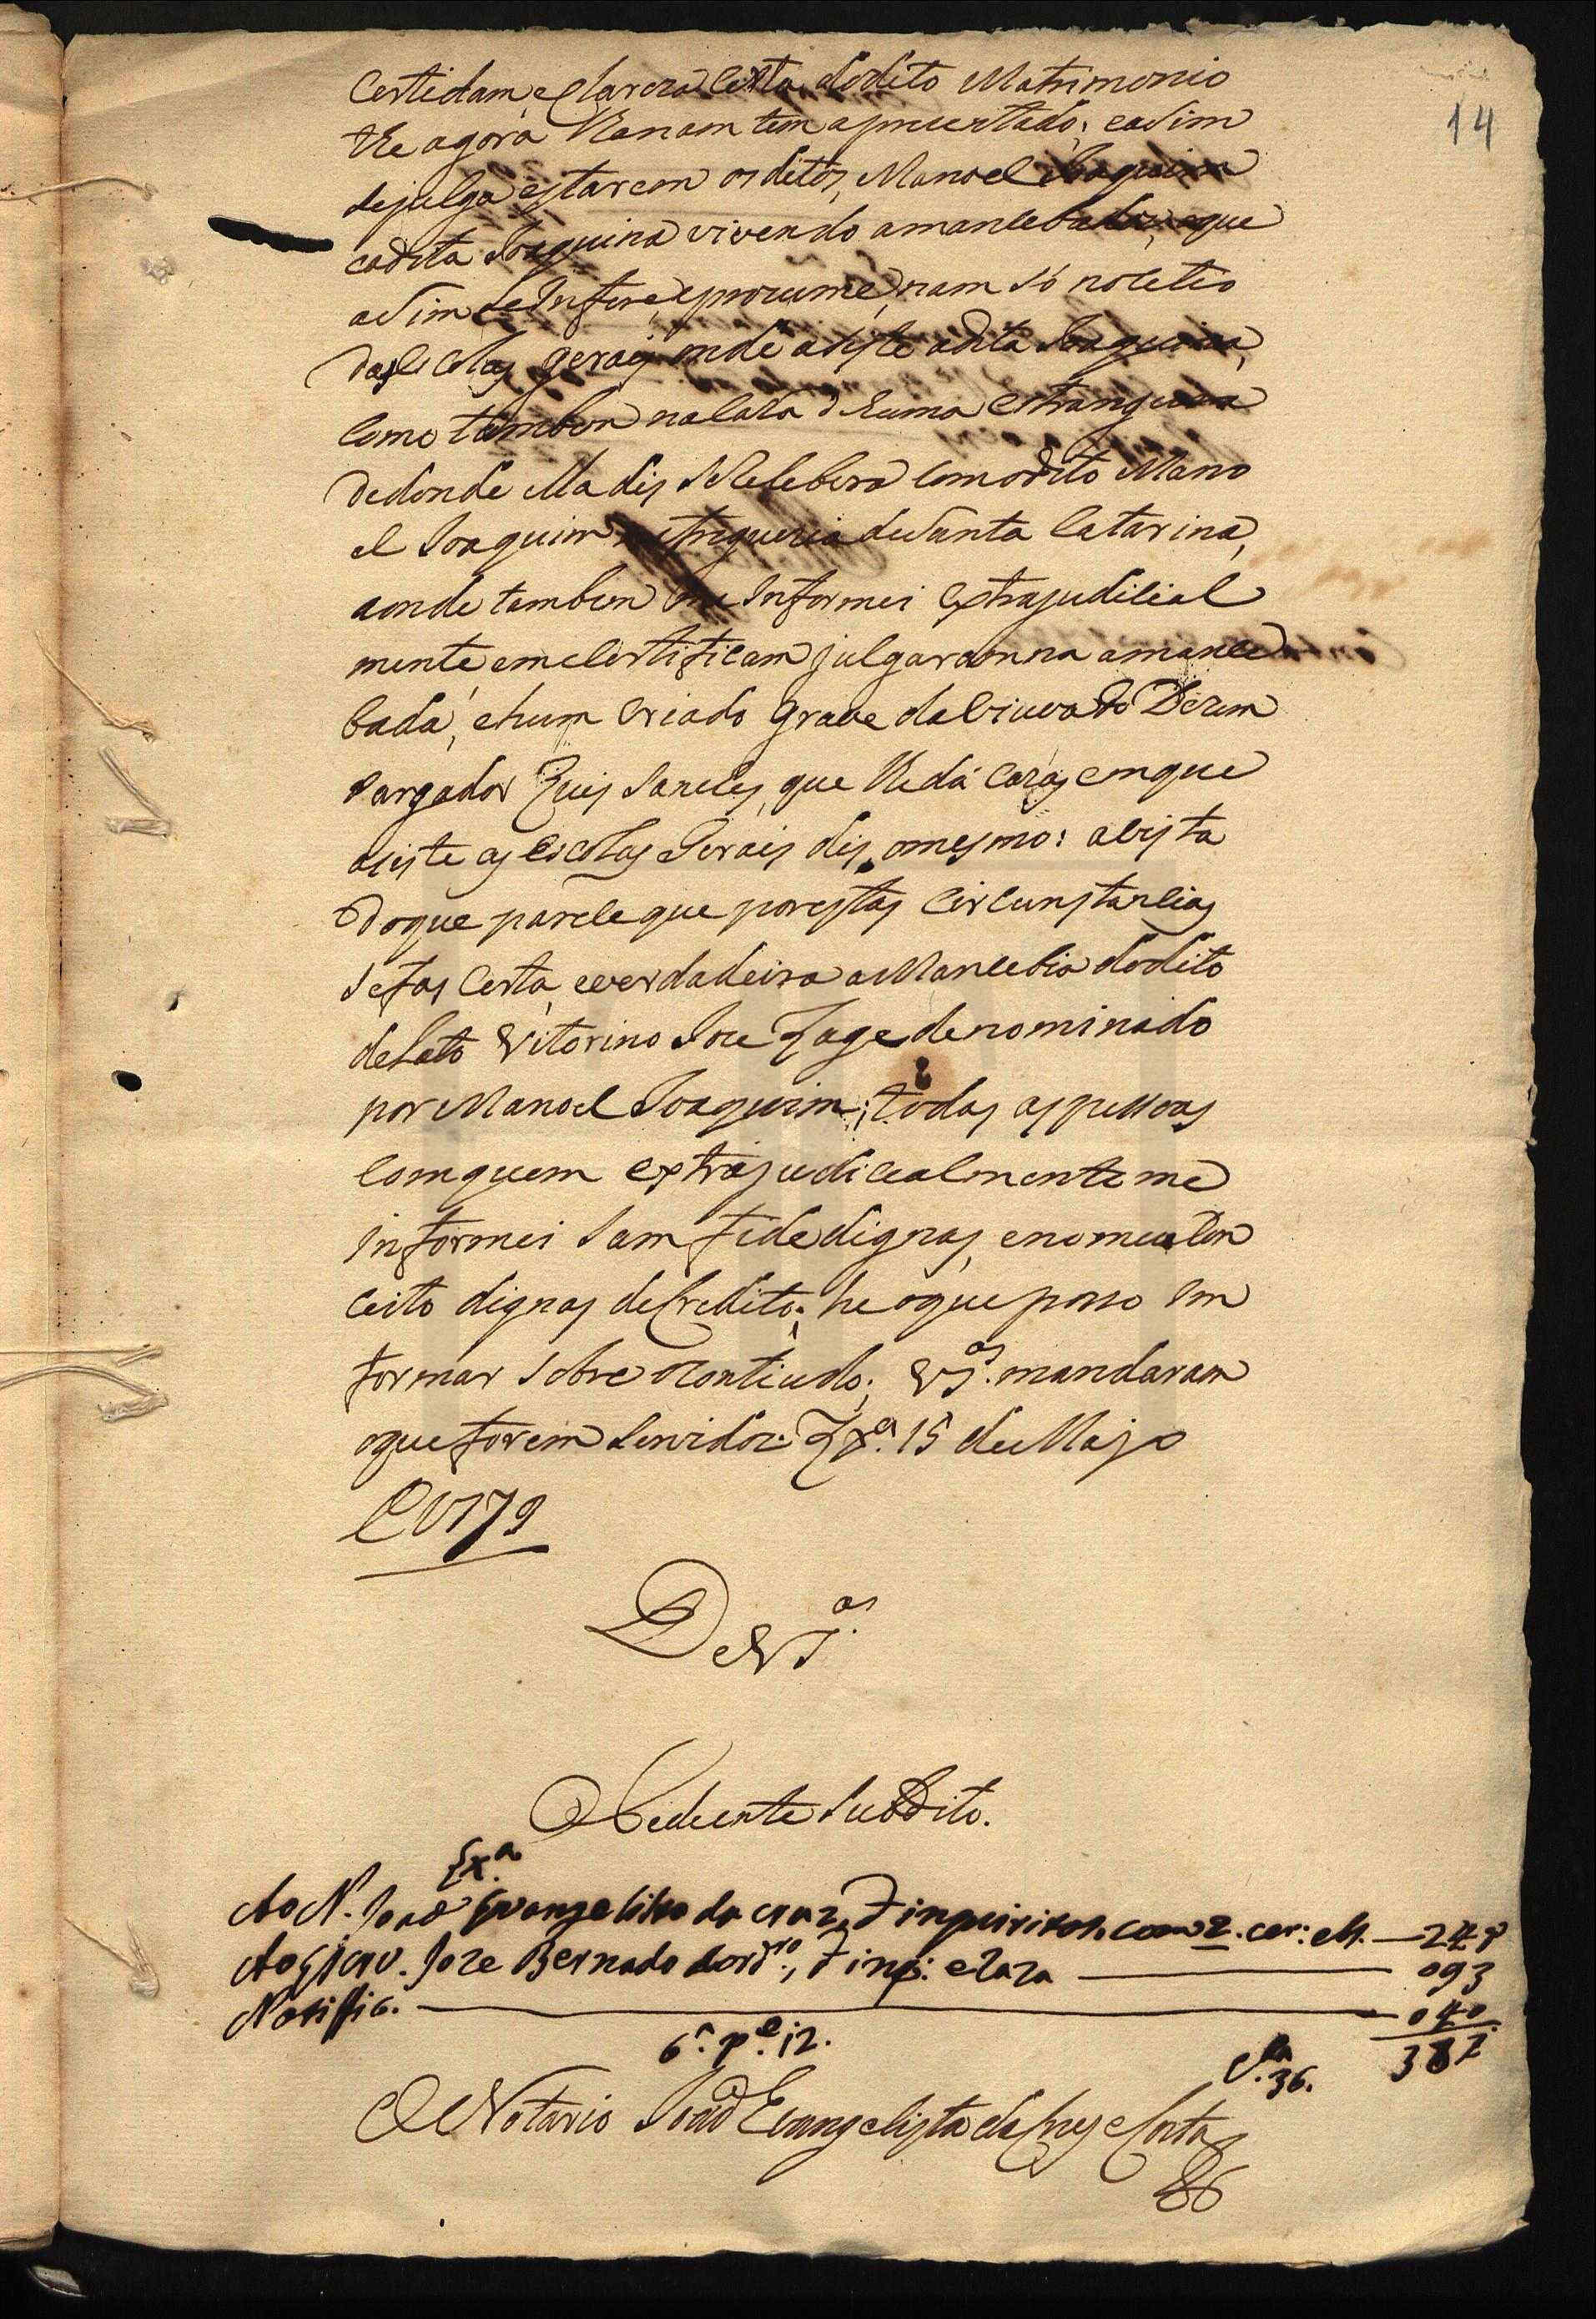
certidam, e Clareza certa do dito Matrimonio
the agora lhe nam tem a prezentado; e asim
se julga estarem os ditos, Manoel Ioaquim
e a dita Ioaquina vivendo amancebadoz, e que
asim se Infere, e prezume, nam só no citio
das escolas gerais onde asiste a dita Ioaquina,
como tambem na caza dhuma estrangeira
de donde ella dis se ReCebera com o dito Mano
el Ioaquim _ frigueziade santa Catarina,
aonde tambem _ Informei extrajuicial
mente em emdertificamjulgaramna amance
bada, e hum criado grave da viuva do Dezem
bargador Luis Sanches, que lhe dá cazas em que
asiste as EscoLas Gerais dis o mesmo: a vista
do que parece que por estas circunstancias
se fas certa, e verdadeira aMancebia do dito
deLato Vitorino Ioze Lage de nominado
por Manoel Ioaquim; todas as pessoas
com quem extrajudicialmente me
informei sam fidedignas, e nomeo con
ceito dignas de Credito; he o que passo im
formar sobre o contiudo; vs.as mandaram
o que forem servidoz. Lx.a 15 de Majo
d̄1779
De Vs.as
Obediente subdito.
